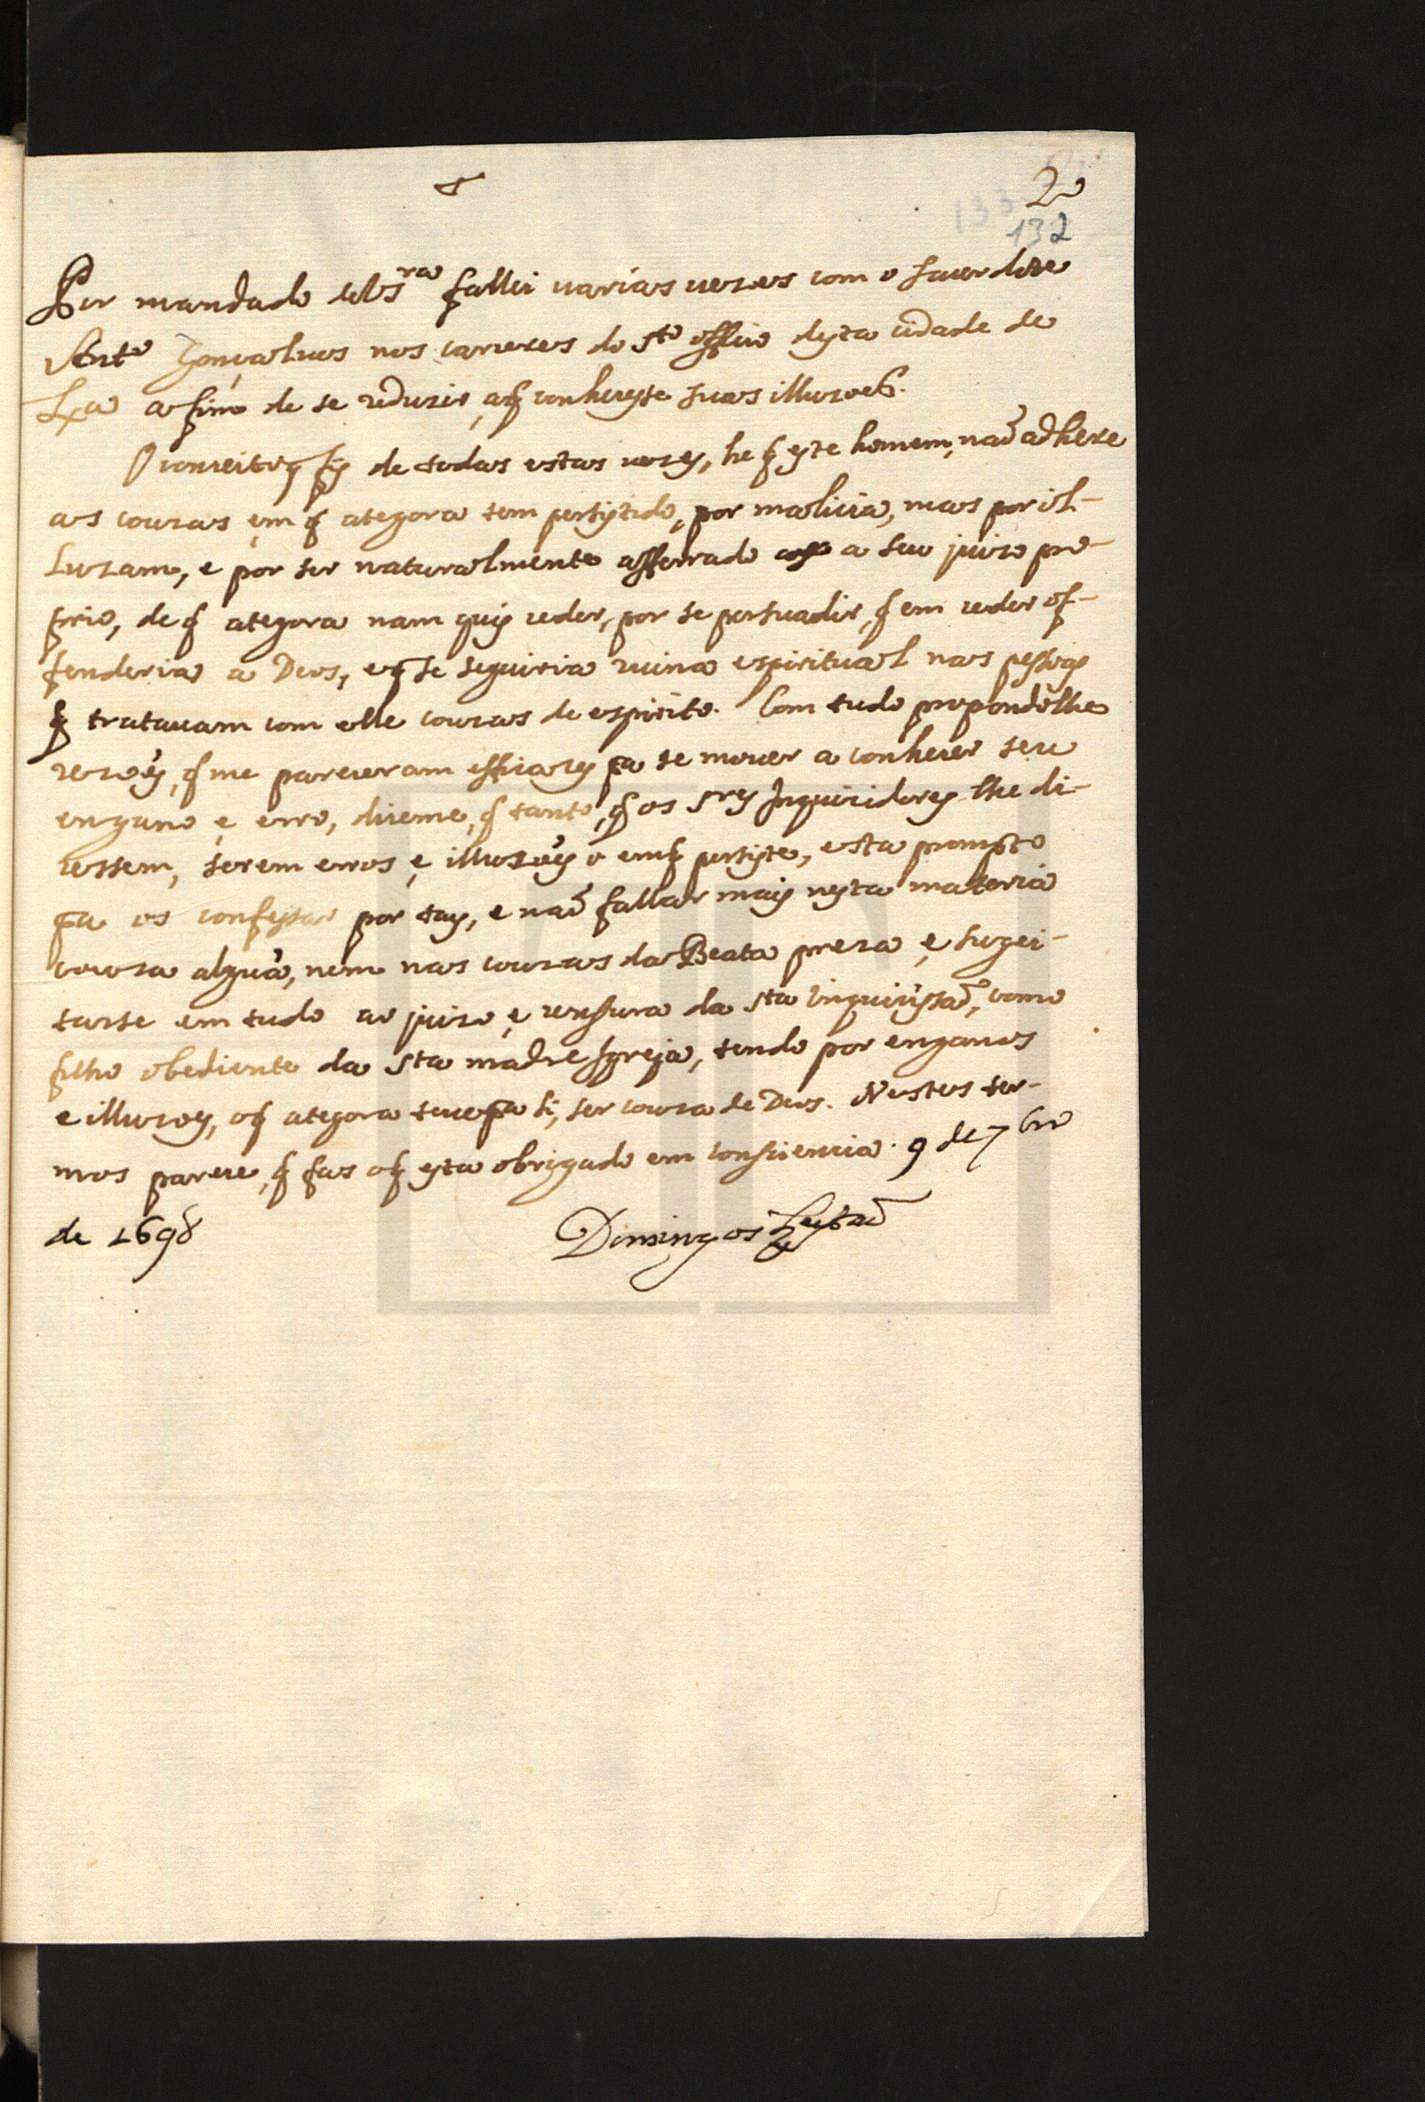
20
Por mandado de V sra fallei uarias uezes com o sacerdote
Anto Gonçalues nos carceres do sto officio desta cidade de
Lxa ao fim de se reduzir a q̄ conhecesse suas illuzoes.
O conceito q̄ fis de todas estas uezes, he q̄ este homem, naõ adhere
as couzas em q̄ ategora tem persistido, por malicia, mas por iL
Luzam, e por ser naturalmente afferrado caso a seu juizo pro
prio, de q̄ ategora nam quis ceder, por se persuadir, q̄ em ceder of
fenderias a Deos, e q̄ se seguiria ruina espiritual nas pessoas
q̄ tratauam com elle couzas de espirito. Comtudo propondolhe
rezoẽs, q̄ me pareceram efficazes pa se mouer a conhecer seu
engano, e erro, diceme, q̄ tanto, q̄ os sres Jnquizidores lhe di
zessem, serem erros, e illuzoẽs o em q̄ persiste, esta prompto
pa os confessar por tais, e naõ fallar mais nesta materia
couza alguā, nem nas couzas da Beata preza, e sugei
tarse em tudo ao juizo, e censura da sta Inquizissaõ, como
filho obediente da sta madre Jgreja, tendo por enganos
e illuzoes, o q̄ ategora teue pa si, ser couza de Deos. Nestes ter
mos parece, q̄ fas o q̄ esta obrigado em consciencia. 9 de 7bro
de 1698
Domingos Leytaõ
